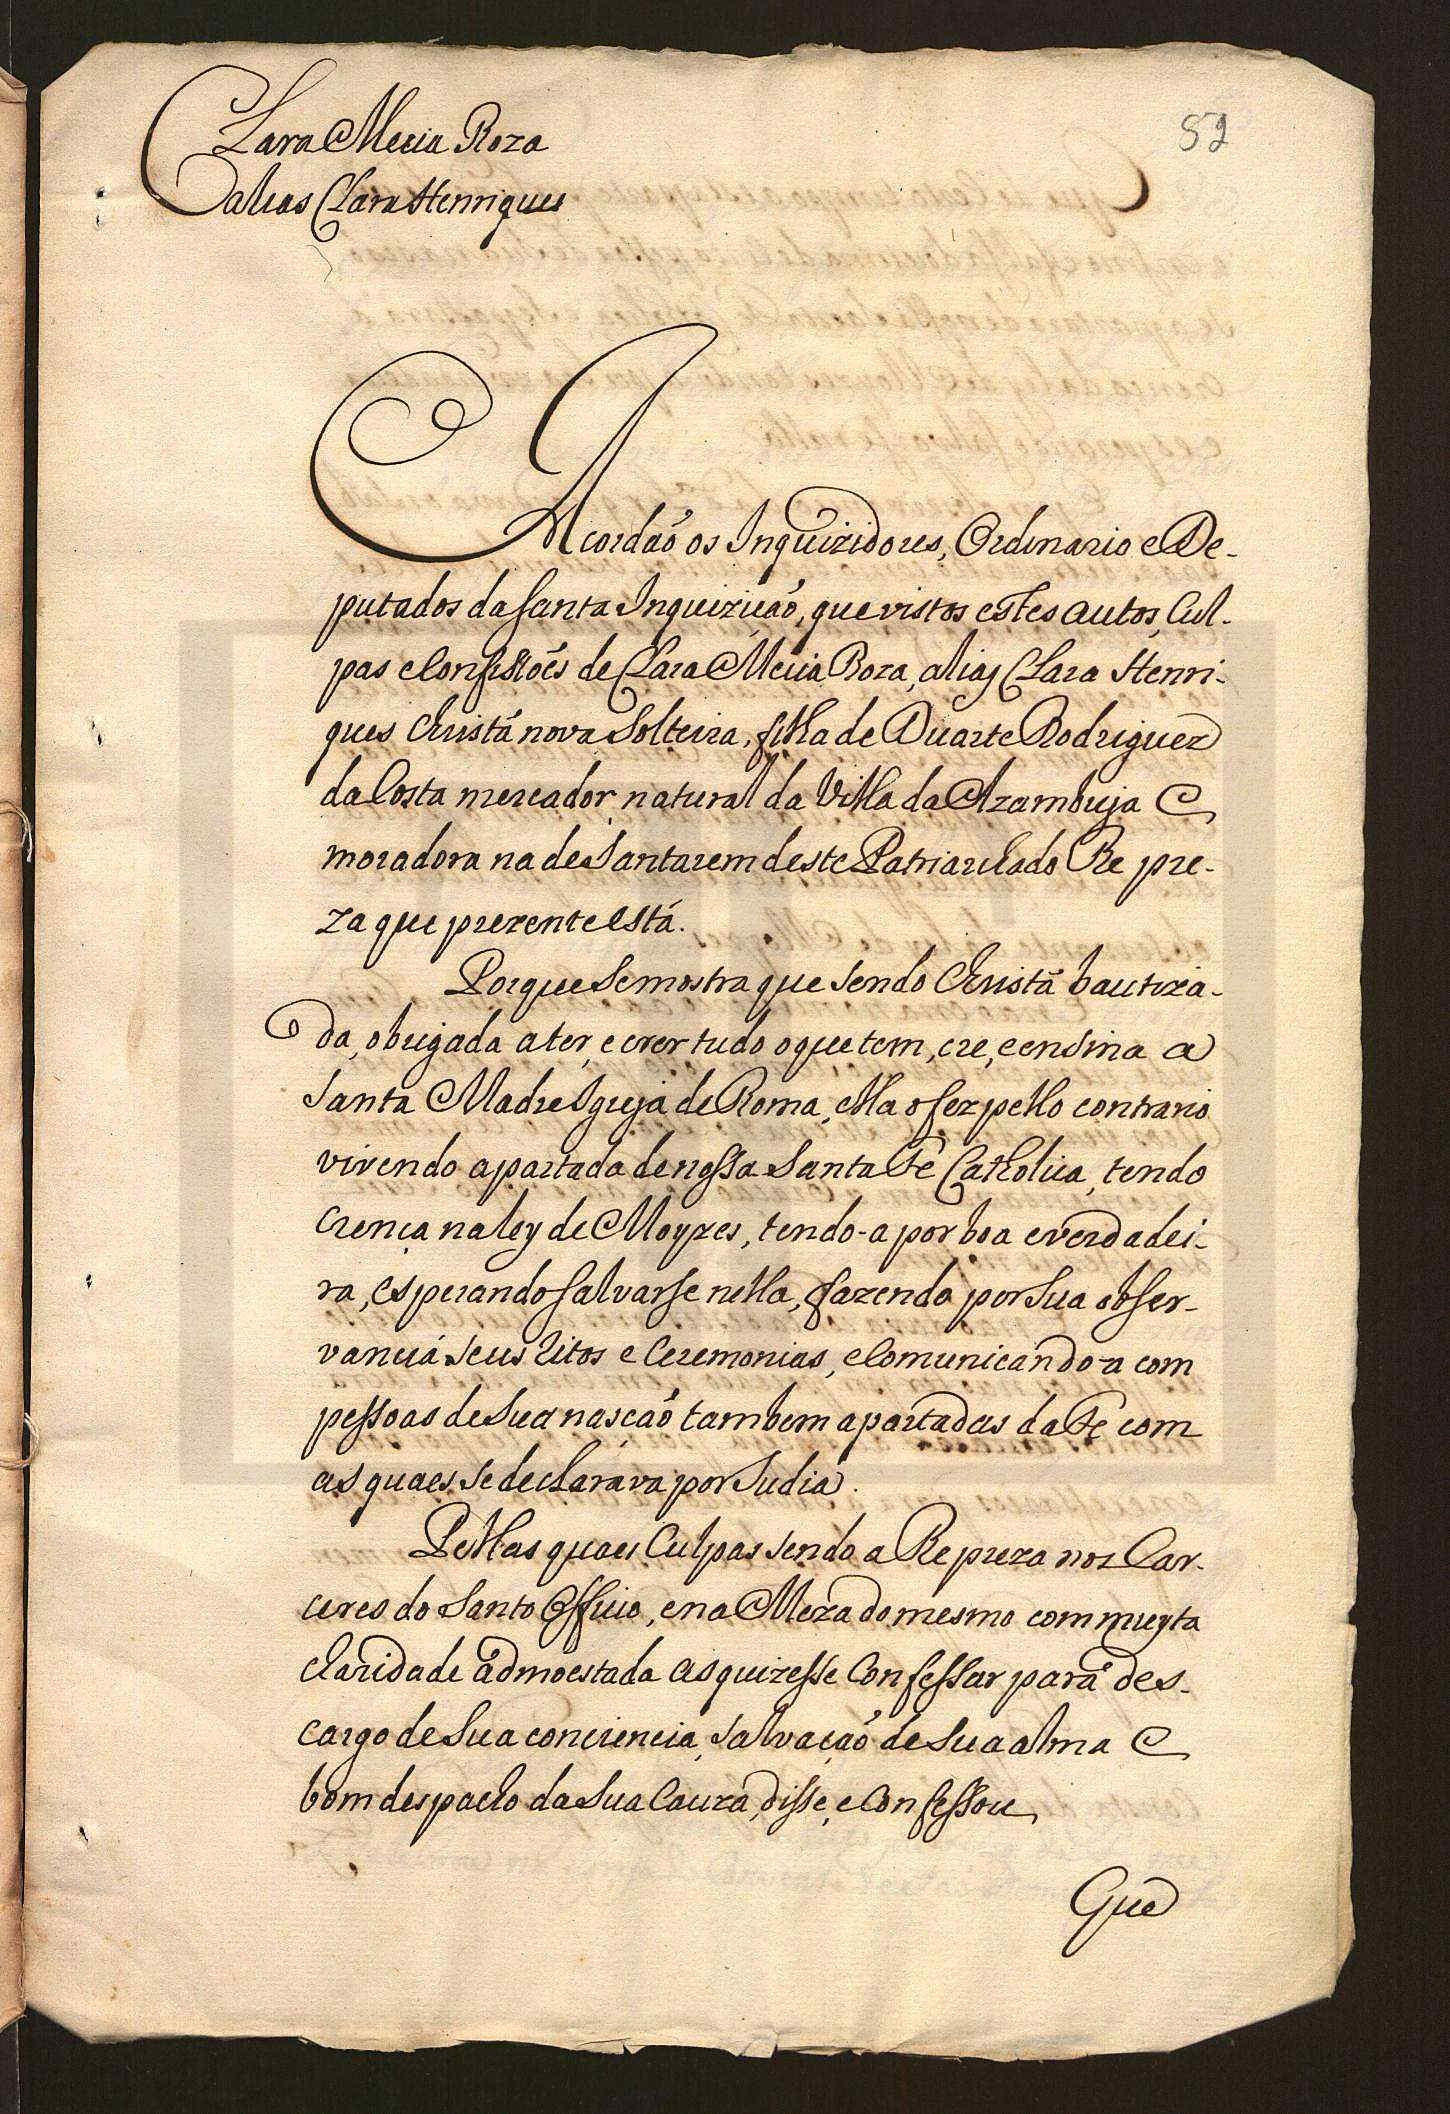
Clara Mecia Roza
alias Clara Henriques
Acordaõ os Inquizidores, Ordinario e De
putados da santa Inquiziçaõ, que vistos estes autos, Cul
pas e confissoẽs de Clara Mecia Roza, alias CLara Henri
ques christã nova Solteira, filha de Duarte Rodriguez
da Costa mercador, natural da Villa da Azambuja e
moradora na de Santarem deste Patriarchado Re pre
za que prezente está.
Porque Se mostra que sendo Christã bautiza
da, obrigada a ter, e crer tudo o que tem, cre, e ensina a
Santa Madre Igreja de Roma, ella o fez pello contrario
vivendo apartada de nossa Santa Fé Catholica, tendo
crença na ley de Moyzes, tendo-a por boa e verdadei
ra, esperando salvarse nella, fazendo por Sua obser
vancia seus Ritos e ceremonias, e comunicando-a com
pessoas de sua nasçaõ tambem apartadas da Fe com
as quaes se declarava por Iudia.
Pellas quaes Culpas sendo a Re preza nos Car
ceres do Santo Officio, e na Meza do mesmo com muyta
charidade admoestada as quizesse confessar para des
cargo de sua conciencia, salvaçaõ de Sua alma e
bom despacho da Sua cauza, disse, e confessou,
Que
